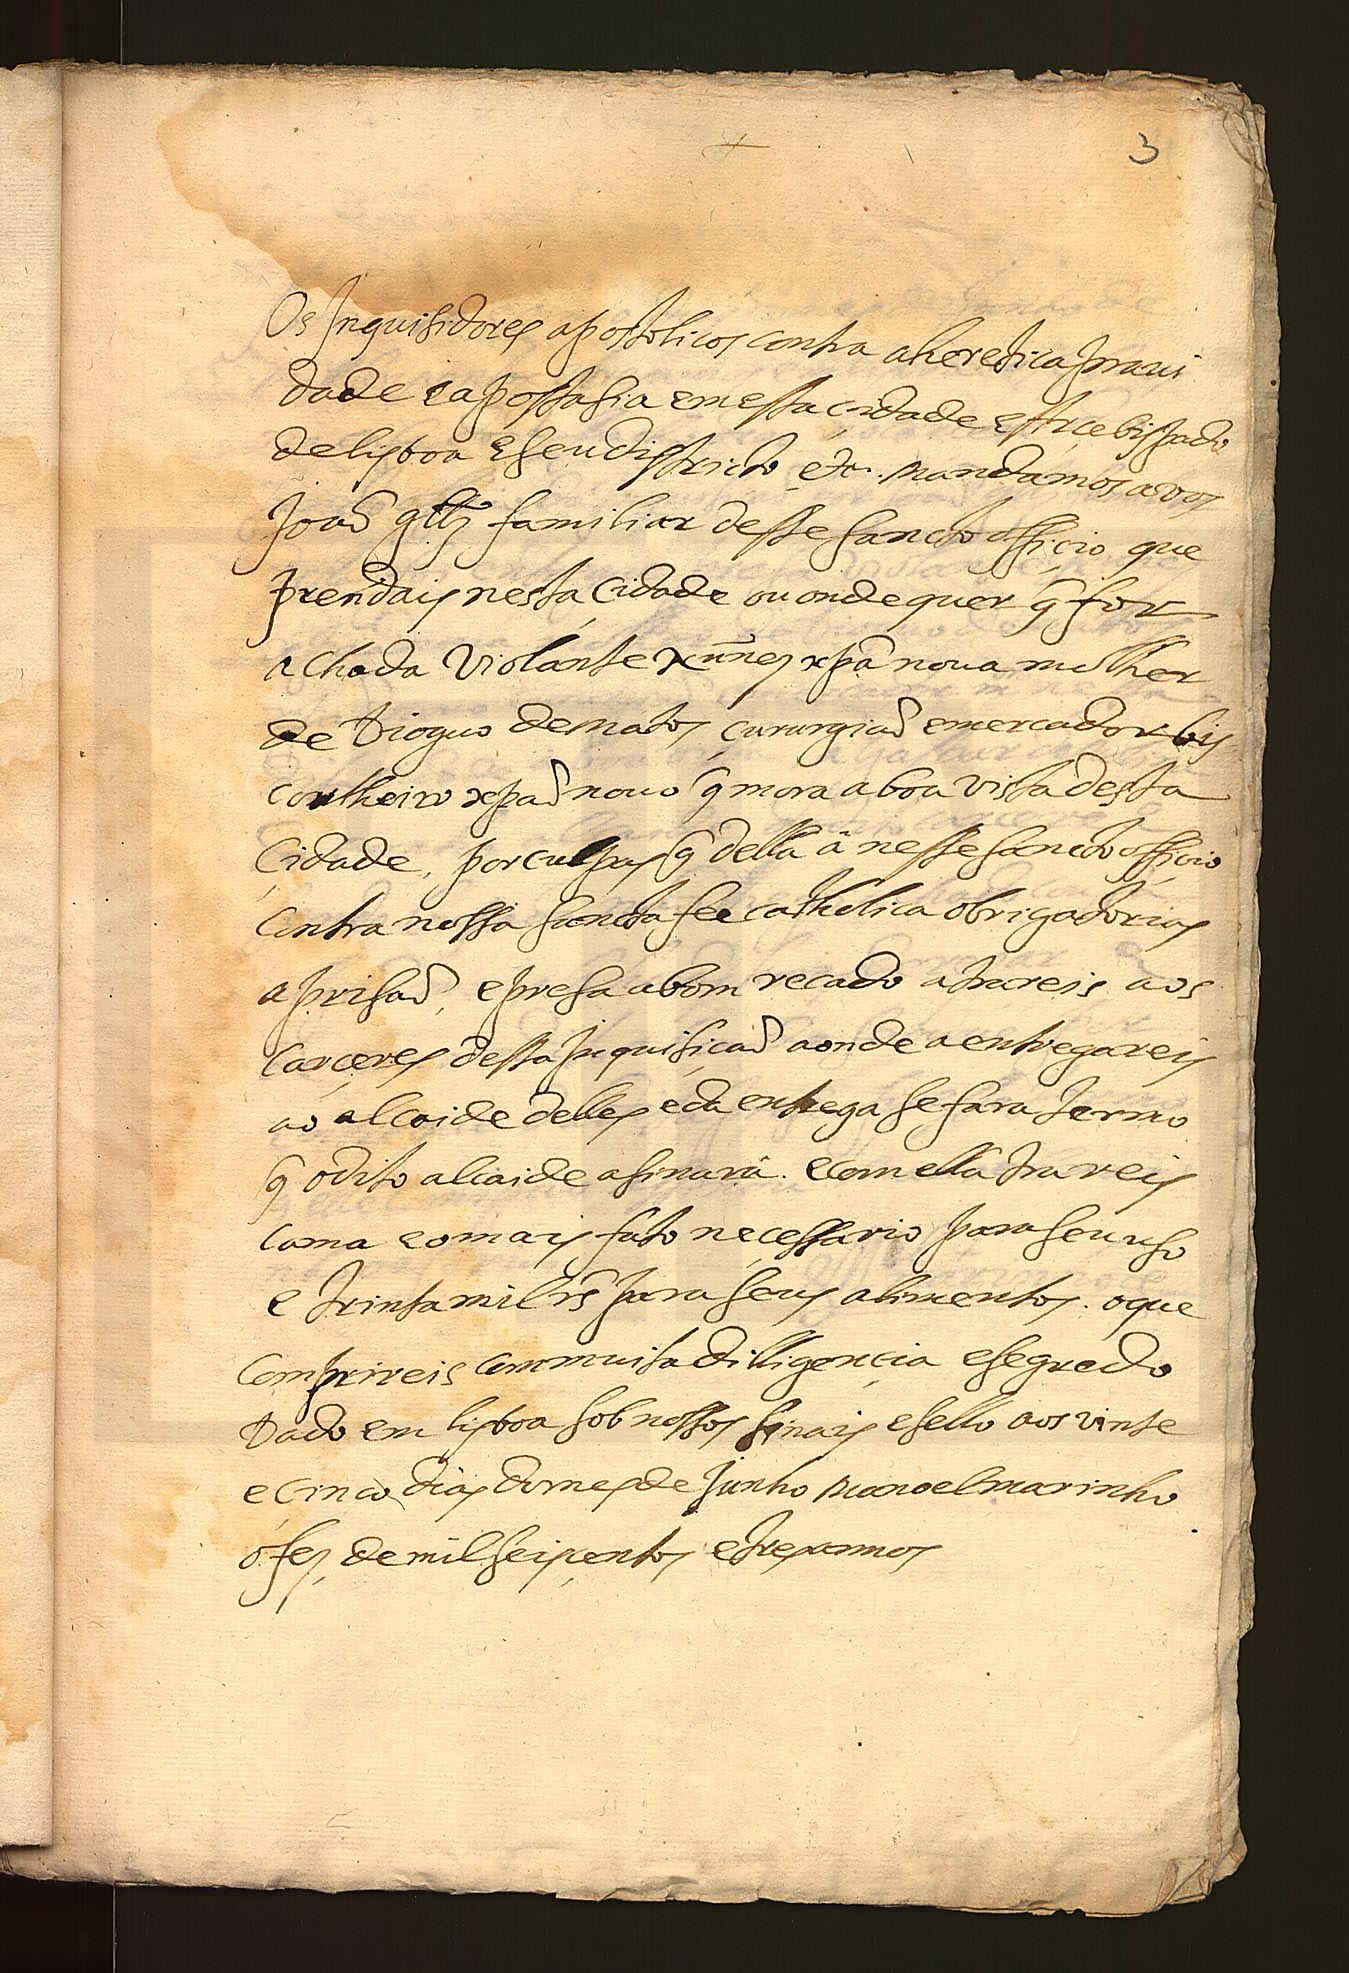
Os Jnquisidores apostolicos contra a heretica praui
dade e apostasia Em Esta çidade E Arçebispado
de lisboa E seu districto etc. mandamos a vos
Joaõ gl̄lz familiar deste Sancto offiçio que
prendais nesta Çidade ou onde quer q̄ for
achada Violante Nun̄ez xpā noua molher
de Diogo de matos çururgiaõ E mercador bis
coutheiro xpaõ nouo q̄ mora a boa vista desta
Çidade, por culpas q̄ della â neste Sancto offiçio
contra nossa sancta fee catholica obrigatorias
a prisaõ, e presa a bom recado a trareis aos
carçeres desta Jnquisição aonde a entregareis
ao alcaide delles e da entrega se fara termo
q̄ o dito alcaide asinará. E com ella trareis
cama E o mais fato neçessario para seu uso
e trinta mil rs̄ para seus alimentos. o que
comprireis com muita dilligençia e segredo
Dado Em lisboa sob nossos sinais E sello aos vinte
e çinco dias do mes de Junho manoel marinho
o fez de mil seisçentos e tres annos.
